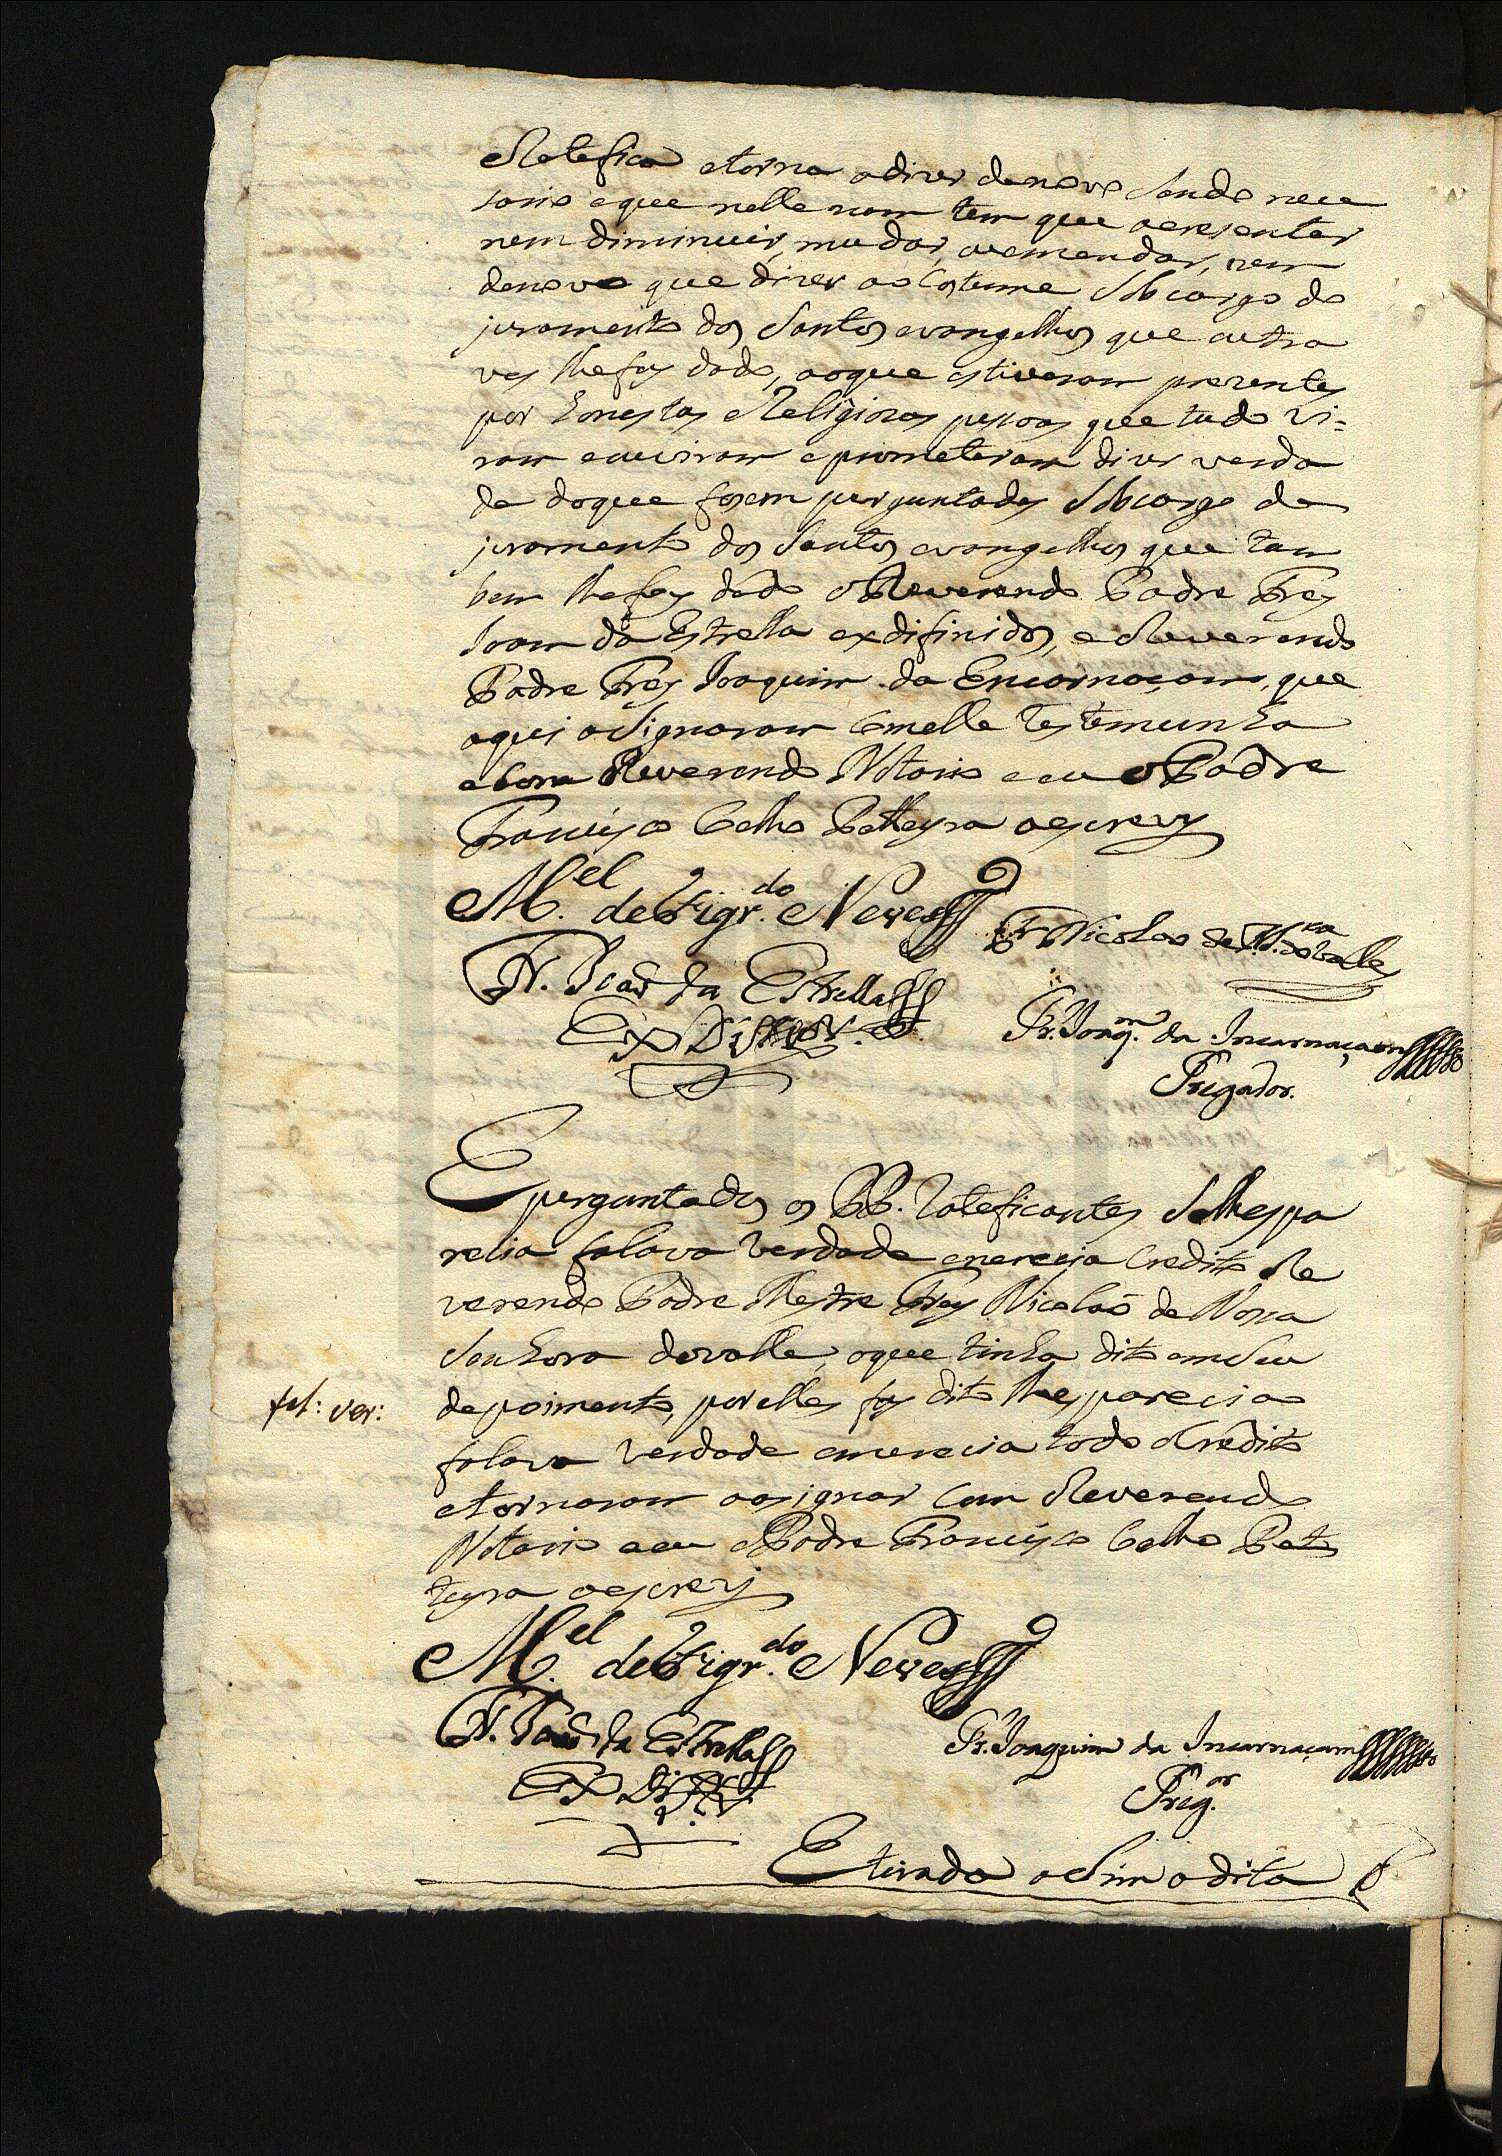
Ratefica e torna a dizer de novo Sendo nece
sario e que nelle nam tem que acresentar
nem diminuir, mudar, ou emendar, nem
de novo que dizer ao costume sob cargo do
juramento dos Santos evangelhos que outra
ves lhe foy dado, ao que estiveram prezentes
por honestas e Religiozas pessoas que tudo vi
ram e ouviram e prometeram dizer verda
de do que fosem perguntadas sob cargo do
juramento dos Santos evangelhos que tam
bem lhe foy dado o Reverendo Padre Frey
Ioam da Estrella ex difinidos, e Reverendo
Padre Frey Ioaquim da Encarnaçam, que
aqui asignaram com elle testemunha
e Com Reverendo Notario e eu o Padre
Francisco Coelho Petteyra o escrevy
M.el de Figr.do Neves
Fr Nicolao de NS.ra do valle
Fr. Ioaõ da Estrella
Ex Difnor.
Fr. Ioaq.m da Incarnaçam
Pregador.
E perguntados os PP. Rateficantes se lhes pa
recia falava verdade e nerecja credito Re
verendo Padre Mestre Frey Nicolaó de Nossa
Senhora do valle, o que tinha dito em Seu
depoimento, por elles foj dito lhes parecia
fal: ver:
falava verdade e merecia todo o Credito
e tornaram a asignar com Reverendo
Notario e eu o Padre Francisco Coelho Pet
teyra o escrevj
M.el de Figr.do Neves
Fr. Ioaõ da Estrella
Fr. Ioaquim da Incarnaçam
Ex Dif
Preg.or
E tirado aSim o dito
